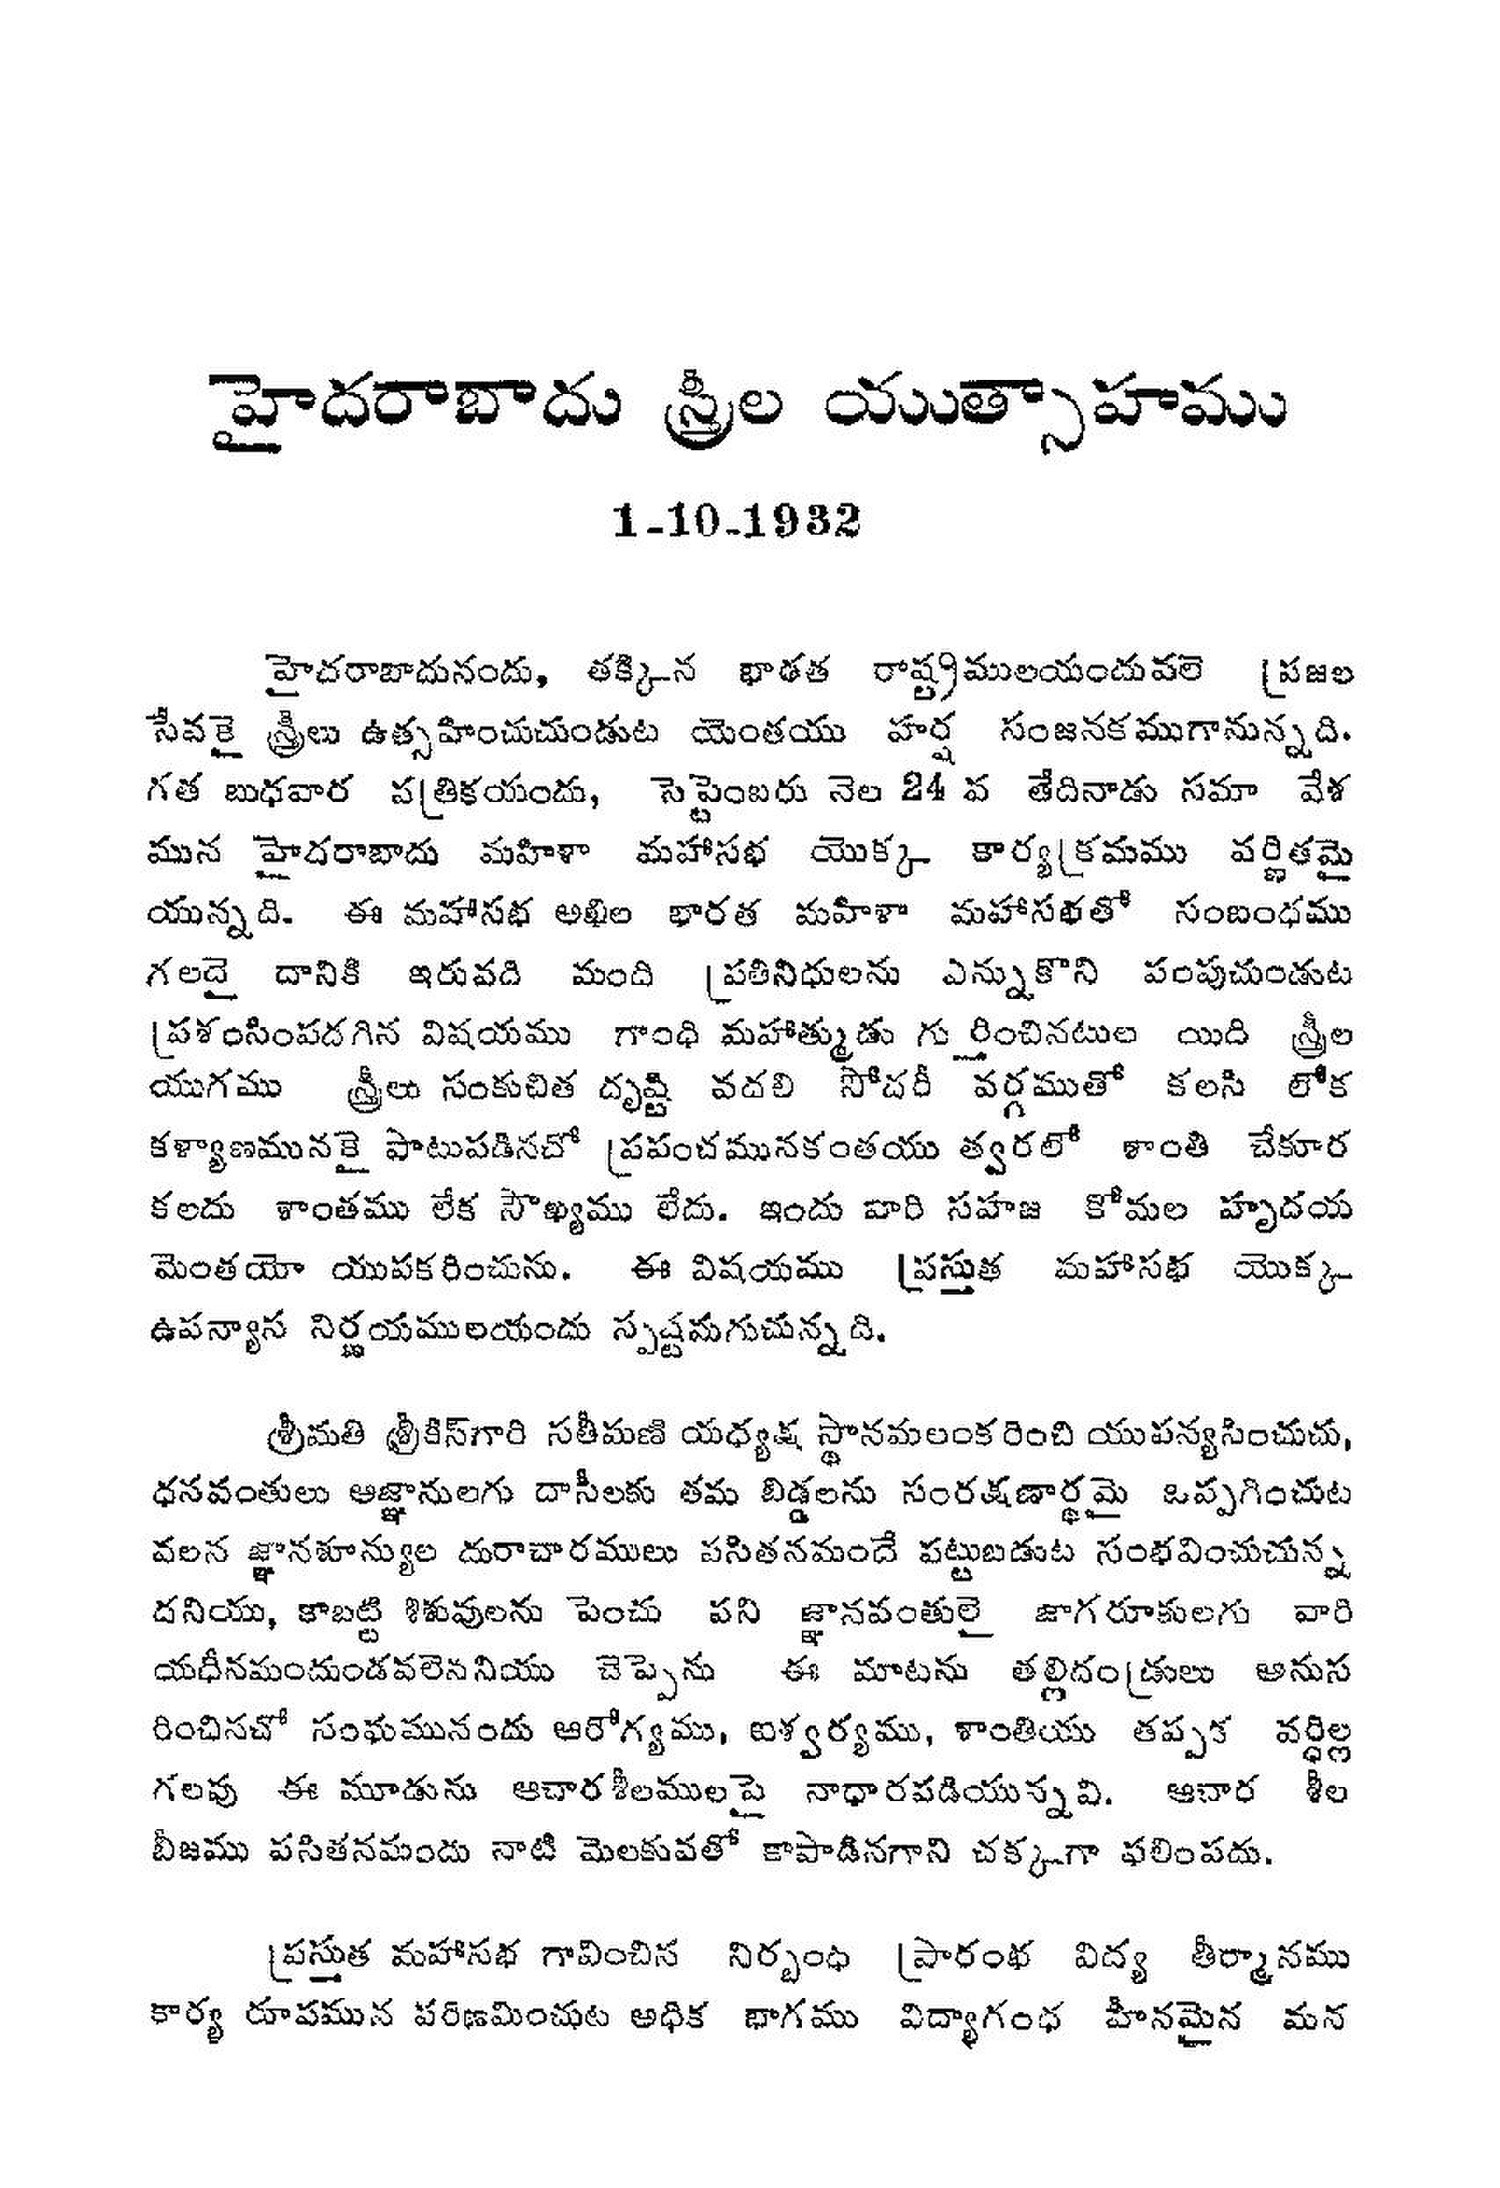1-10-1932

హైదరాబాదునందు, తక్కిన భారత రాష్ట్రములయందువలె ప్రజల సేవకై స్త్రీలు ఉత్సహించుచుండుట యెంతయు హర్ష సంజనకముగానున్నది. గత బుధవార పత్రికయందు, సెప్టెంబరు నెల 24 వ తేదినాడు సమా వేశమున హైదరాబాదు మహిళా మహాసభ యొక్క కార్యక్రమము వర్ణితమై యున్నది. ఈ మహాసభ అఖిల భారత మహిళా మహాసభతో సంబంధము గలదై దానికి ఇరువది మంది ప్రతినిధులను ఎన్నుకొని పంపుచుండుట
ప్రశంసింపదగిన విషయము గాంధి మహాత్ముడు గుర్తించినటుల యిది స్త్రీల యుగము స్త్రీలు సంకుచిత దృష్టి వదలి సోదరీ వర్గముతో కలసి లోకకళ్యాణమునకై పాటుపడినచో ప్రపంచమునకంతయు త్వరలో శాంతి చేకూర కలదు శాంతము లేక సౌఖ్యము లేదు. ఇందు వారి సహజ కోమల హృదయ మెంతయో యుపకరించును. ఈ విషయము ప్రస్తుత మహాసభ యొక్క ఉపన్యాస నిర్ణయములయందు స్పష్టమగుచున్నది.

శ్రీమతి శ్రీకిస్‌గారి సతీమణి యధ్యక్ష స్థానమలంకరించి యుపన్యసించుచు, ధనవంతులు అజ్ఞానులగు దాసీలకు తమ బిడ్డలను సంరక్షణార్థమై ఒప్పగించుట వలన జ్ఞానశూన్యుల దురాచారములు పసితనమందే పట్టుబడుట సంభవించుచున్నదనియు, కాబట్టి శిశువులను పెంచు పని జ్ఞానవంతులై జాగరూకులగు వారి
యధీనమందుండవలెననియు చెప్పెను ఈ మాటను తల్లిదండ్రులు అనుసరించినచో సంఘమునందు ఆరోగ్యము, ఐశ్వర్యము, శాంతియు తప్పక వర్ధిల్ల గలవు ఈ మూడును ఆచారశీలములపై నాధారపడియున్నవి. ఆచార శీల బీజము పసితనమందు నాటి మెలకువతో కాపాడినగాని చక్కగా ఫలింపదు.

ప్రస్తుత మహాసభ గావించిన నిర్బంధ ప్రారంభ విద్య తీర్మానము కార్య రూపమున పరిణమించుట అధిక భాగము విద్యాగంధ హీనమైన మన